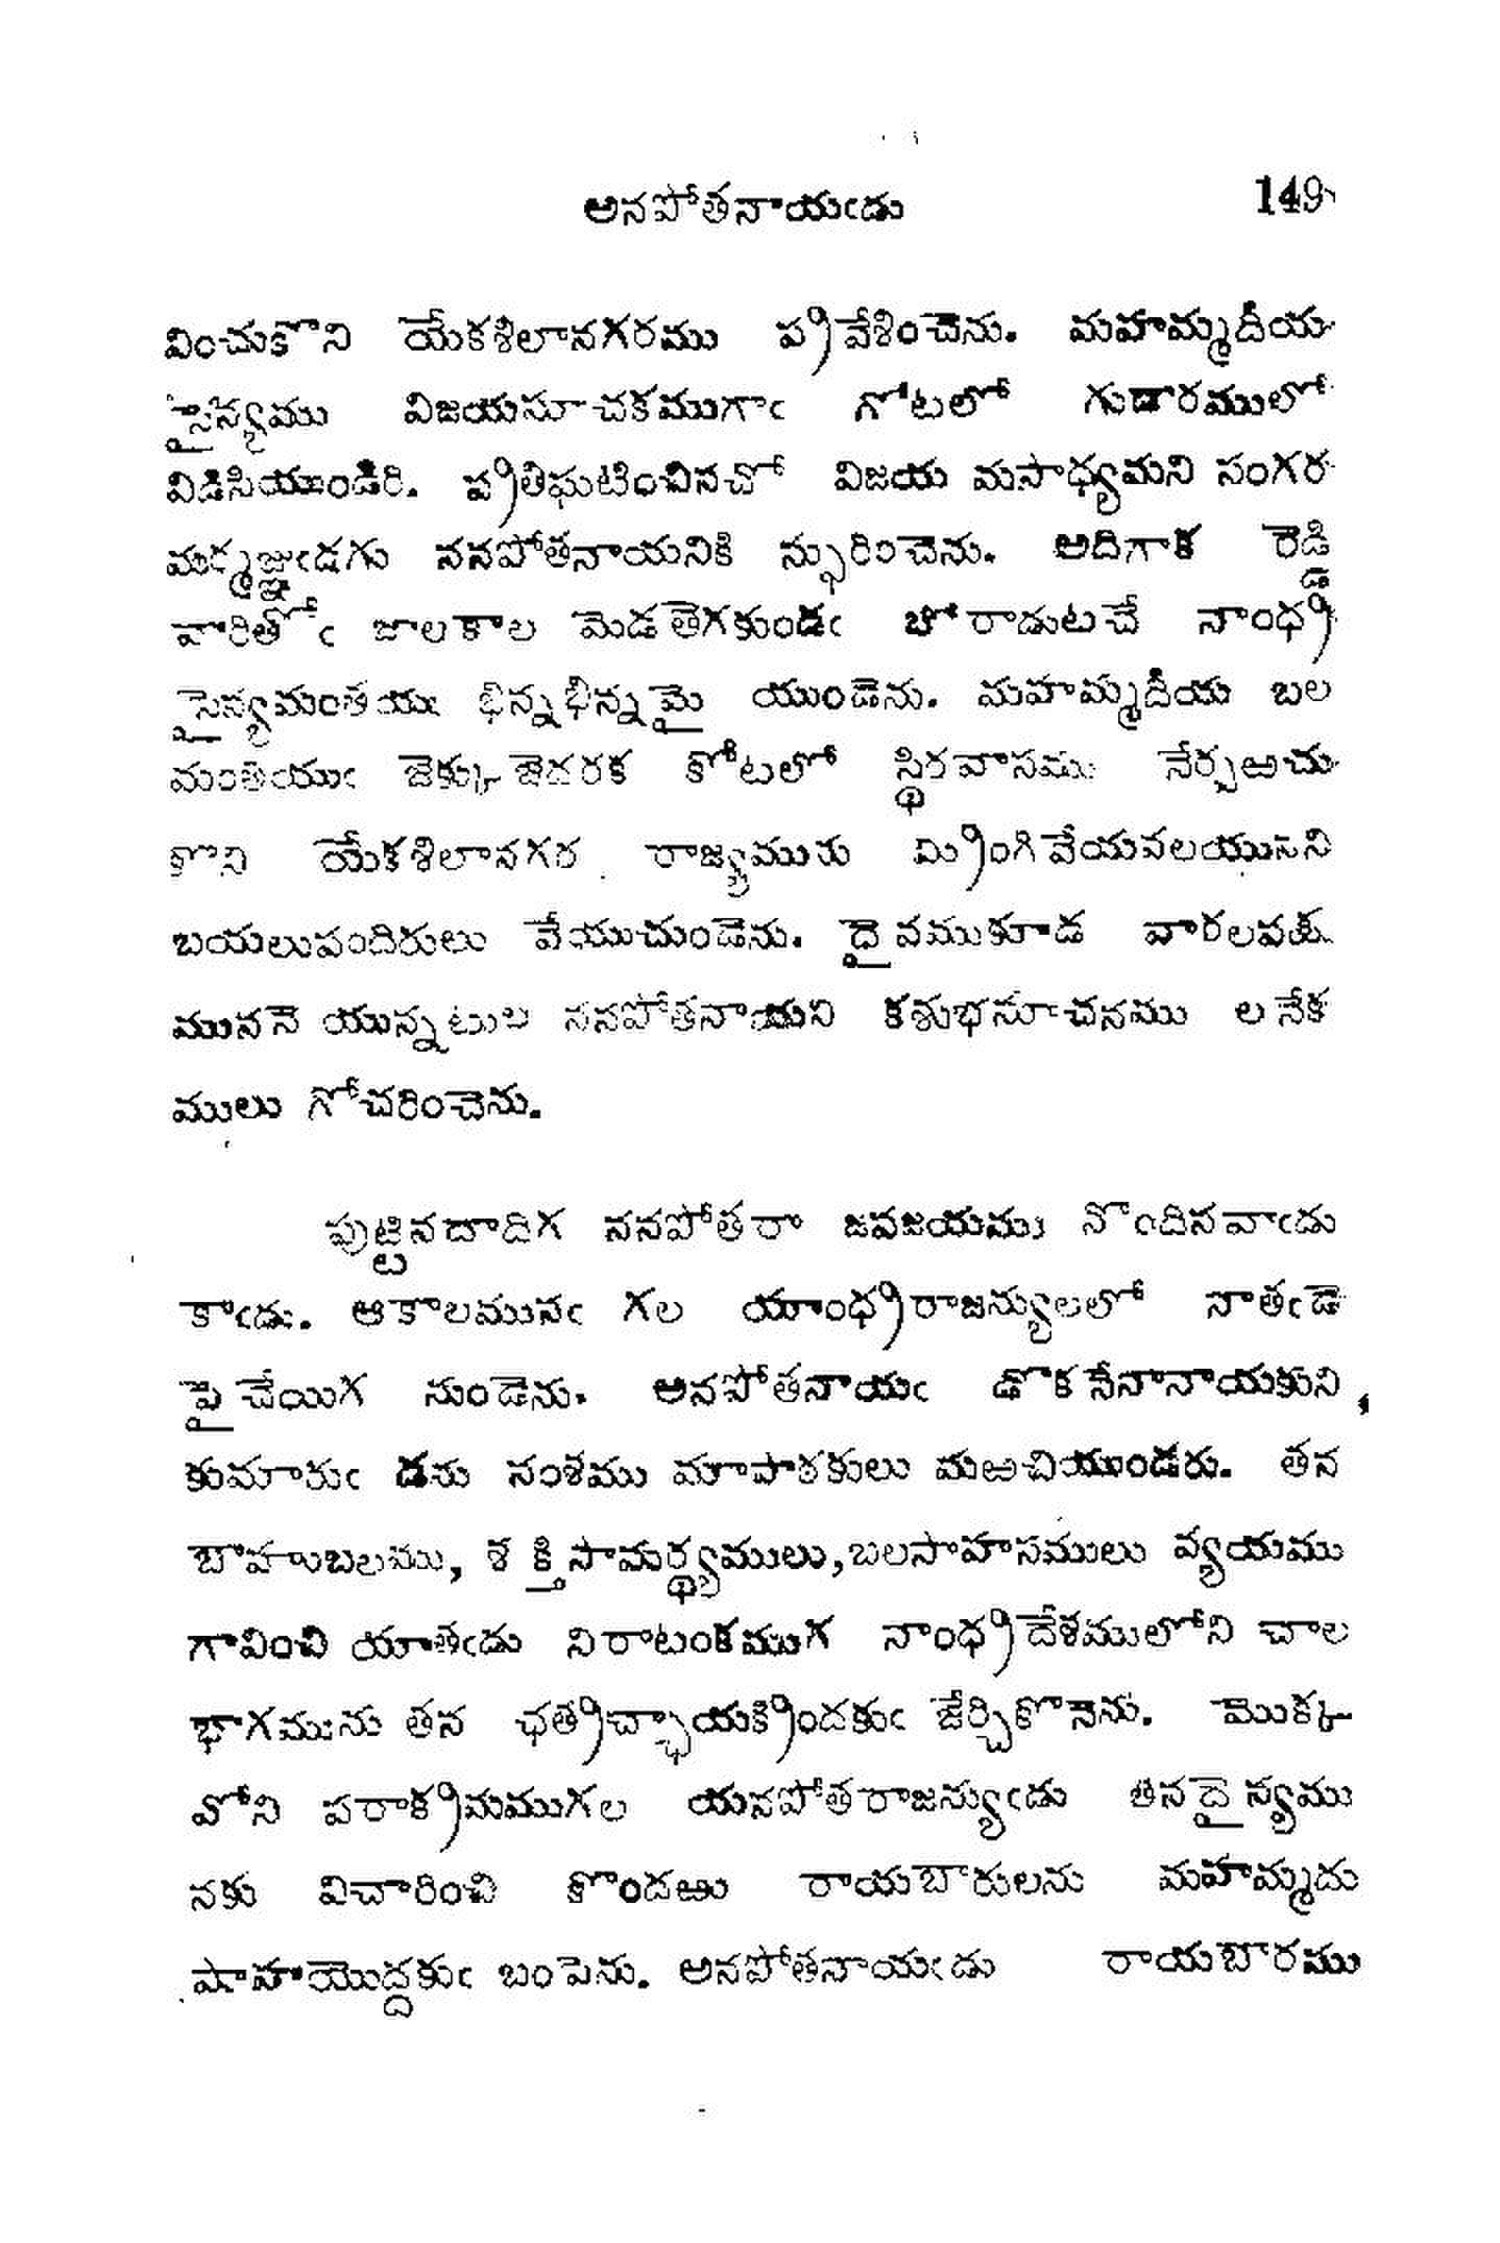వించుకొని యేకశిలానగరము ప్రవేశించెను. మహమ్మదీయ సైన్యము విజయసూచకముగా గోటలో గుడారములో విడిసియుండిరి. ప్రతిఘటించినచో విజయ మసాధ్యమని సంగర మర్మజ్ఞుడగు ననపోతనాయనికి స్ఫురించెను. అదిగాక రెడ్డివారితో జాలకాల మెడతెగకుండ బోరాడుటచే నాంధ్రసైన్యమంతయు భిన్నభిన్నమై యుండెను. మహమ్మదీయ బలమంతయు జెక్కుజెదరక కోటలో స్థిరవాసము నేర్పఱచుకొని యేకశిలానగర రాజ్యమును మ్రింగివేయవలయునని బయలుపందిరులు వేయుచుండెను. దైవముకూడ వారలపక్షముననె యున్నటుల ననపోతనాయని కశుభసూచనము లనేకములు గోచరించెను.

పుట్టినదాదిగ ననపోతరా జపజయము నొందినవాడు కాడు. ఆకాలమున గల యాంధ్రరాజన్యులలో నాతడె పైచేయిగ నుండెను. అనపోతనాయ డొకసేనానాయకుని కుమారు డను నంశము మాపాఠకులు మఱచియుండరు. తన బాహుబలము, శక్తిసామర్థ్యములు, బలసాహసములు వ్యయము గావించి యాతడు నిరాటంకముగ నాంధ్రదేశములోని చాలభాగమును తన ఛత్రచ్ఛాయక్రిందకు జేర్చికొనెను. మొక్కవోని పరాక్రమముగల యనపోతరాజన్యుడు తనదైన్యమునకు విచారించి కొందఱు రాయబారులను మహమ్మదుషాహయొద్దకు బంపెను. అనపోతనాయడు రాయబారము